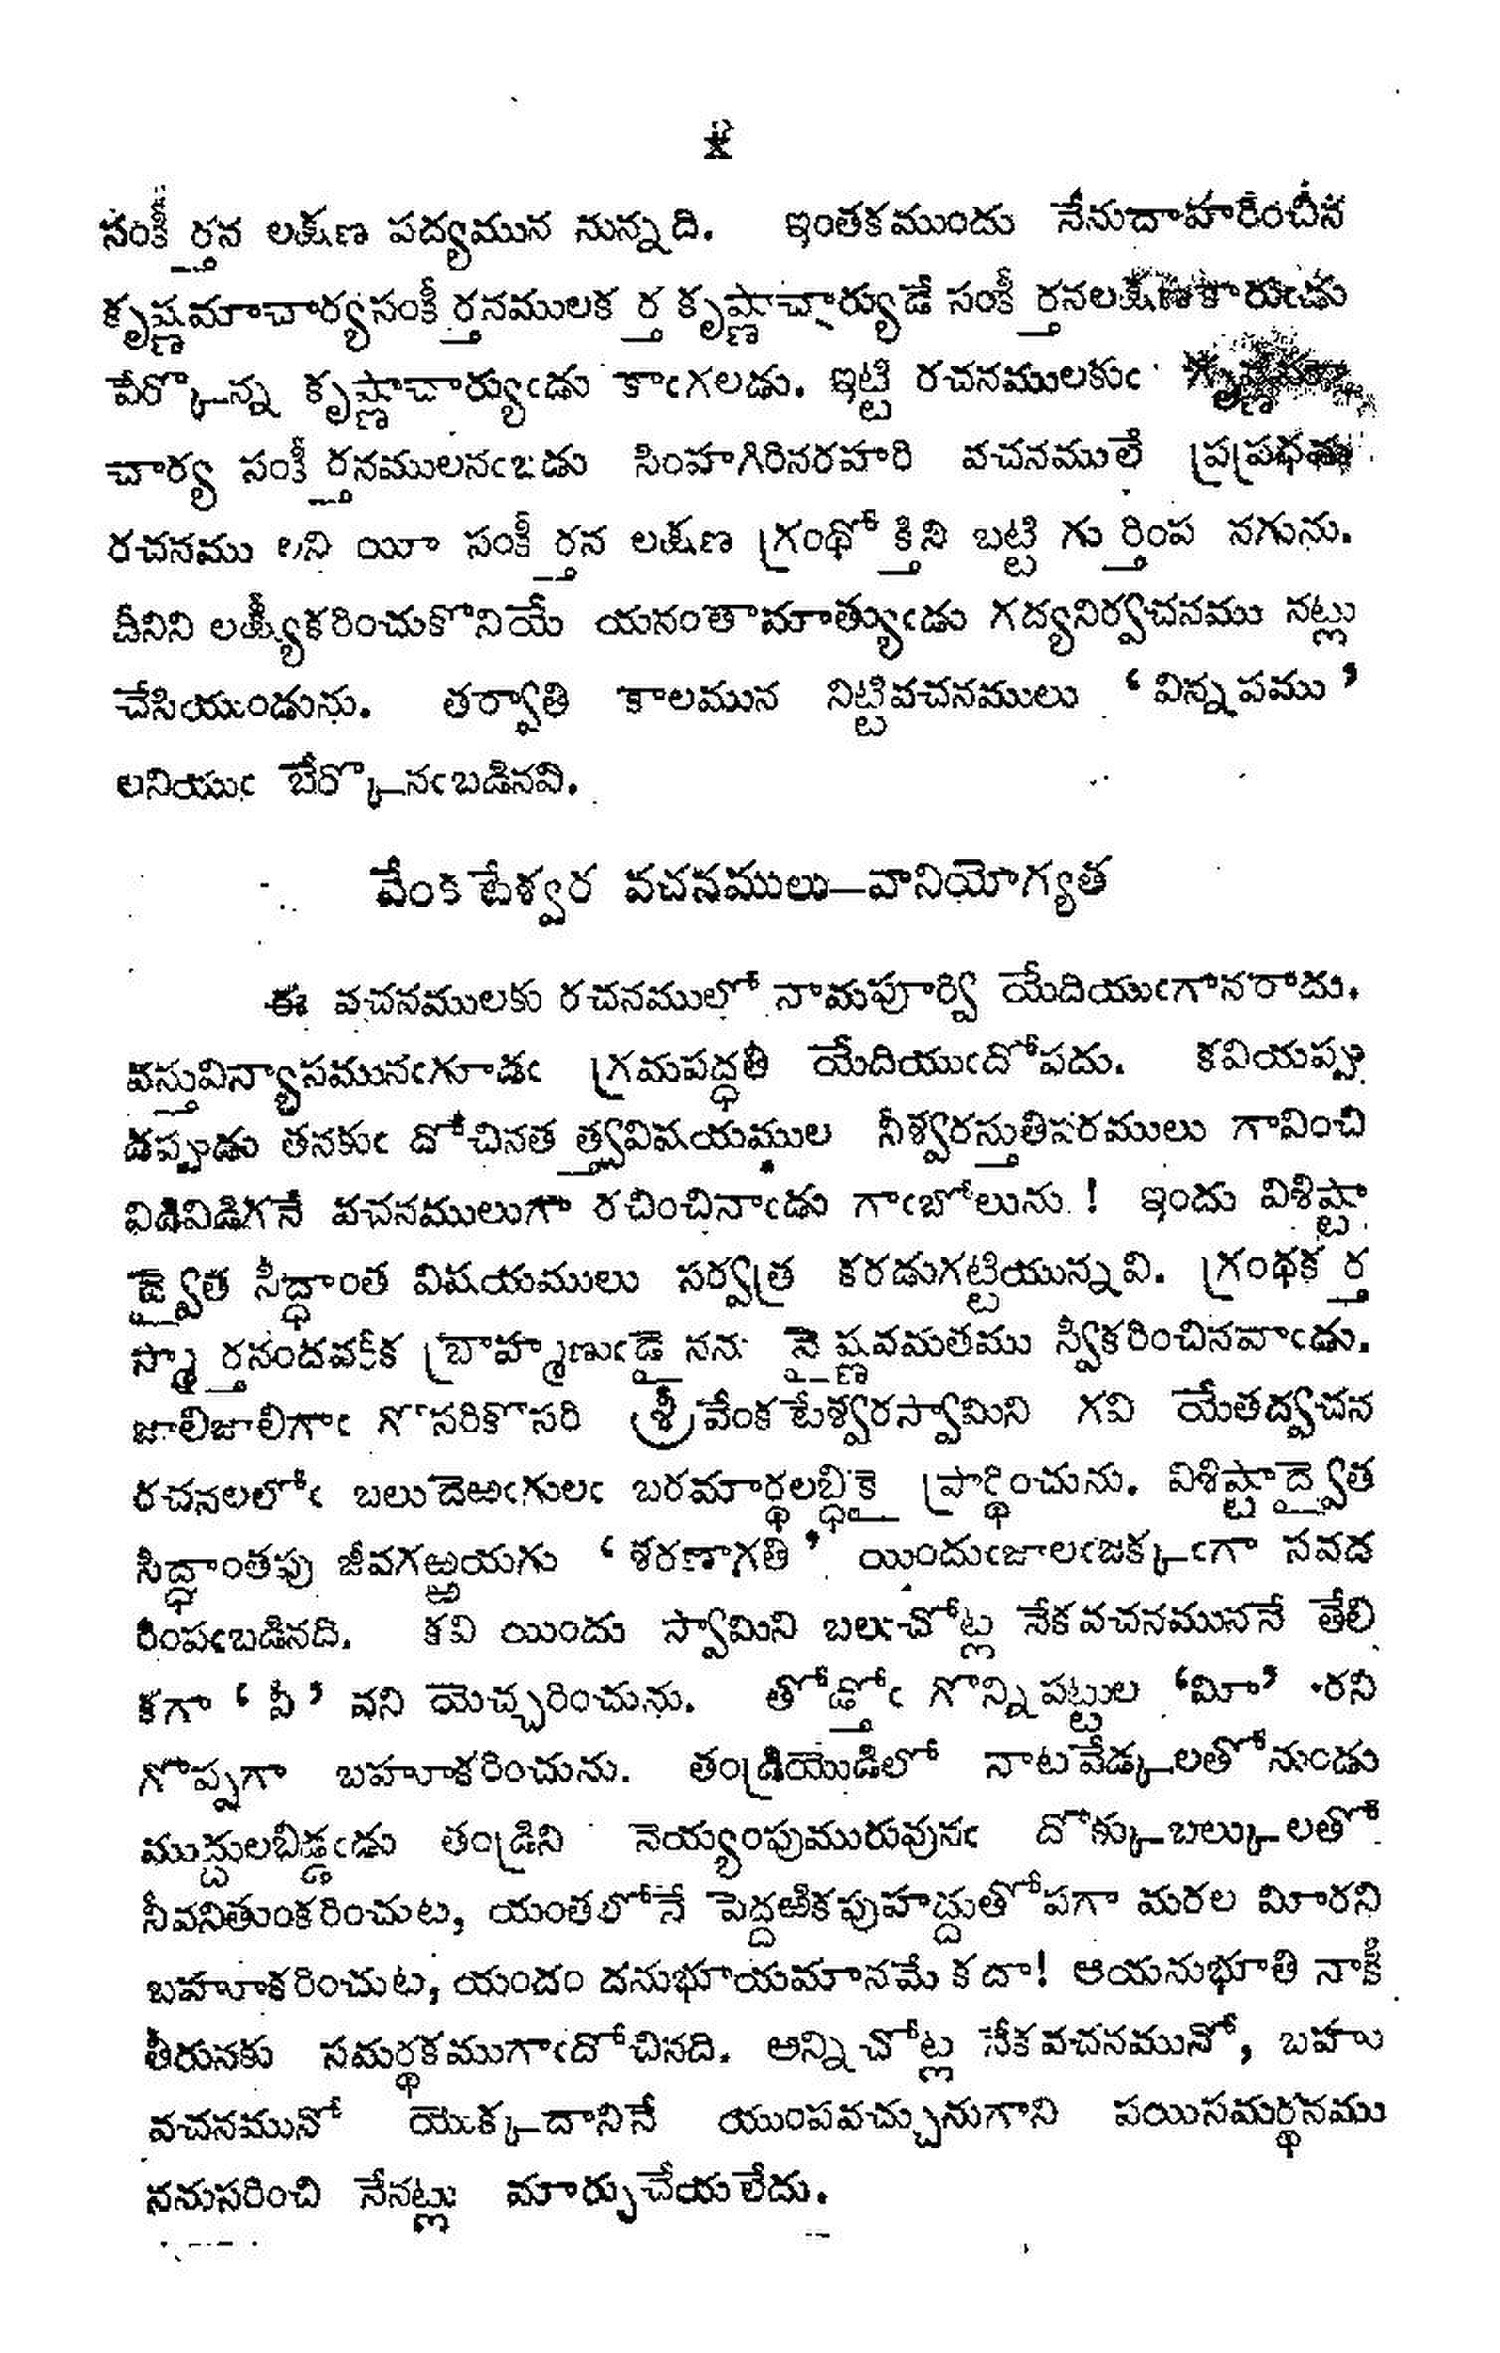సంకీర్తన లక్షణ పద్యమున నున్నది. ఇంతకముందు నేనుదాహరించిన కృష్ణమాచార్యసంకీర్తనములకర్త కృష్ణాచార్యుడే సంకీర్తనలక్షణకారుఁడు పేర్కొన్న కృష్ణాచార్యుఁడు కాఁగలడు. ఇట్టి రచనములకుఁ గృష్ణమాచార్య సంకీర్తనములనఁబడు సింహగిరినరహరి వచనములే ప్రప్రధము రచనము లని యీ సంకీర్తన లక్షణ గ్రంథోక్తిని బట్టి గుర్తింప నగును. దీనిని లక్ష్యీకరించుకొనియే యనంతామాత్యుఁడు గద్యనిర్వచనము నట్లు చేసియుండును. తర్వాతి కాలమున నిట్టివచనములు ‘విన్నపము’ లనియుఁ బేర్కొనఁబడినవి.

ఈ వచనములకు రచనములో నామపూర్వి యేదియుఁగానరాదు. వస్తువిన్యాసమునఁగూడఁ గ్రమపద్ధతీ యేదియుఁదోపదు. కవియప్పుడప్పుడు తనకుఁ దోచినతత్త్వవిషయముల నీశ్వరస్తుతిపరములు గావించి విడివిడిగనే వచనములుగా రచించినాఁడు గాఁబోలును! ఇందు విశిష్టాద్వైత సిద్ధాంత విషయములు సర్వత్ర కరడుగట్టియున్నవి. గ్రంథకర్త స్మార్తనందవరీక బ్రాహ్మణుఁడైనను వైష్ణవమతము స్వీకరించినవాఁడు. జాలిజాలిగాఁ గొసరికొసరి శ్రీవేంకటేశ్వరస్వామిని గవి యేతద్వచన రచనలలోఁ బలుదెఱఁగులఁ బరమార్థలబ్ధికై ప్రార్థించును. విశిష్టాద్వైత సిద్ధాంతపు జీవగఱ్ఱయగు ‘శరణాగతి’ యిందుఁజాలఁజక్కఁగా సవదరింపఁబడినది. కవి యిందు స్వామిని బలుచోట్ల నేకవచనముననే తేలికగా ‘నీ’ వని యెచ్చరించును. తోడ్తోఁ గొన్నిపట్టుల ‘మీ’ రని గొప్పగా బహూకరించును. తండ్రియొడిలో నాటవేడ్కలతోనుండు ముద్దులబిడ్డఁడు తండ్రిని నెయ్యంపుమురువునఁ దొక్కుబల్కులతో. నీవనితుంకరించుట, యంతలోనే పెద్దఱికపుహద్దుతోపగా మరల మీరని బహూకరించుట, యందం దనుభూయమానమే కదా! ఆయనుభూతి నాకీ తీరునకు సమర్థకముగాఁదోచినది. అన్నిచోట్ల నేకవచనమునో, బహువచనమునో యొక్కదానినే యుంపవచ్చునుగాని పయిసమర్థనము ననుసరించి నేనట్లు మార్పుచేయలేదు.